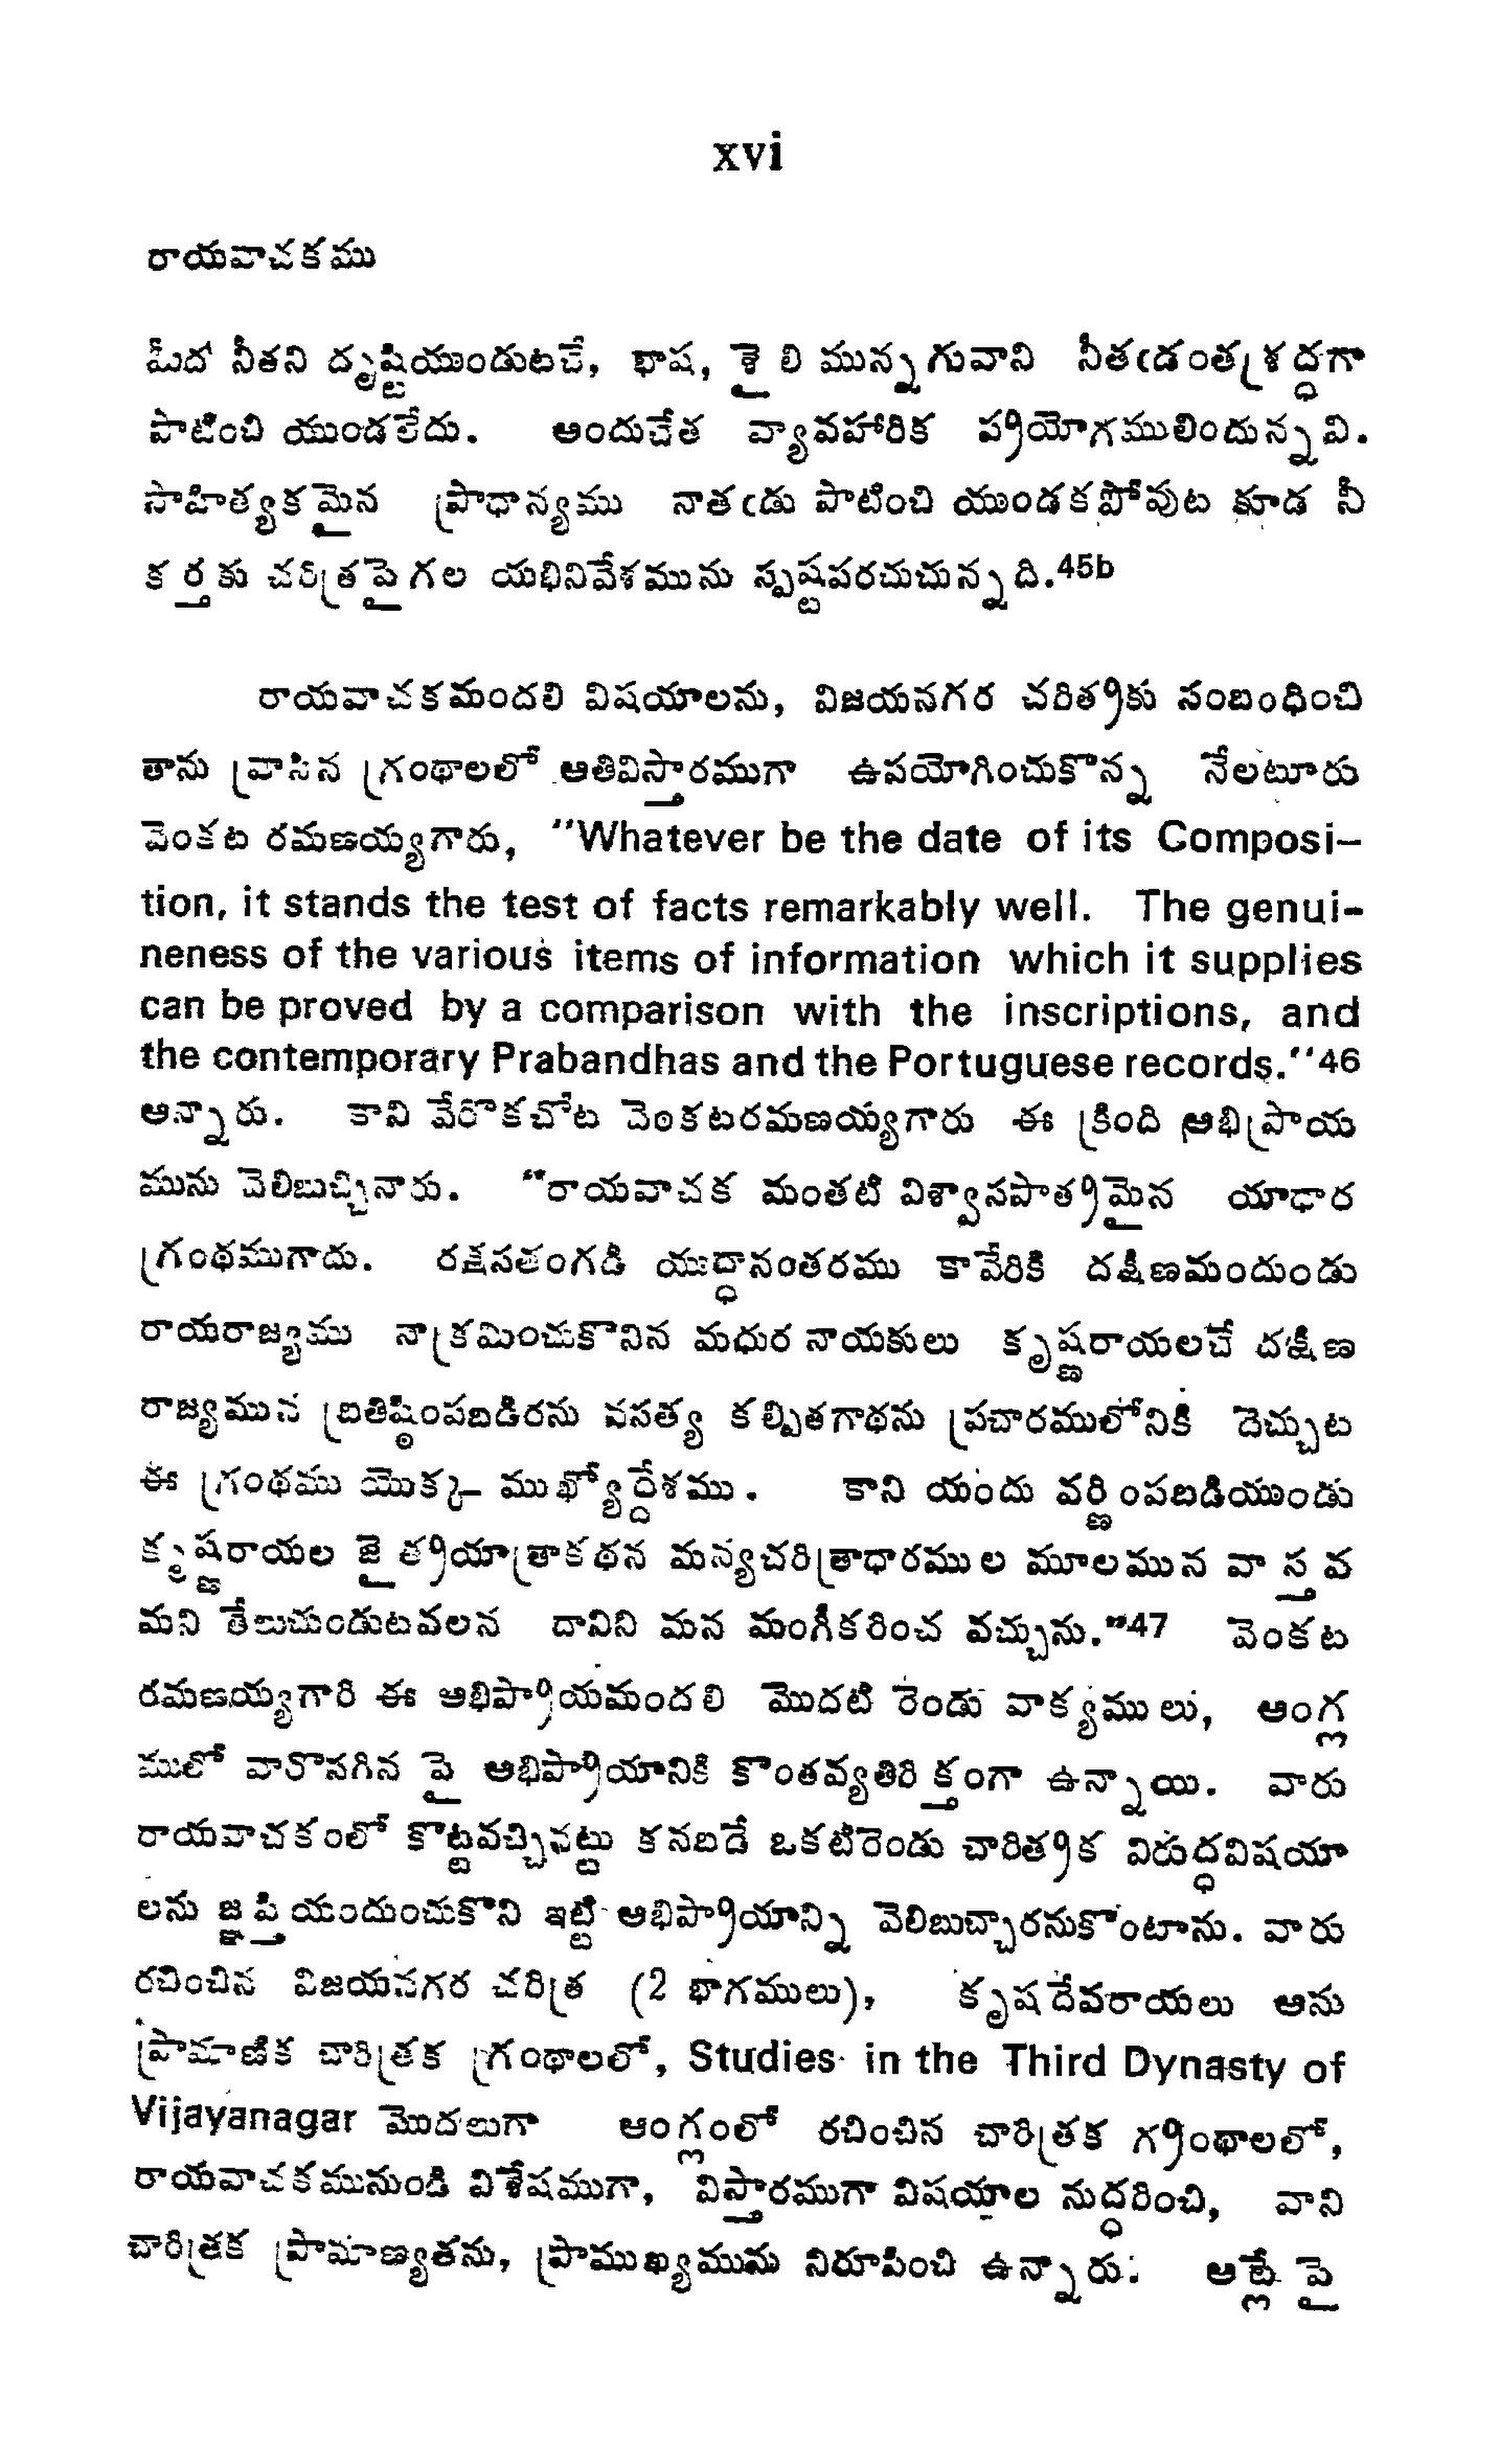మీద నీతని దృష్టియుండుటచే, భాష, శైలి మున్నగువాని నీతఁ డంతశ్రద్ధగా పాటించి యుండలేదు. అందుచేత వ్యావహారికప్రయోగము లిందున్నవి. సాహిత్యకమైన ప్రాధాన్యము నాతఁడు పాటించి యుండకపోవుట కూడ నీకర్తకు చరిత్రపై గల యభినివేశమును స్పష్టపరచుచున్నది.

రాయవాచకమందలి విషయాలను, విజయనగరచరిత్రకు సంబంధించి తాను వ్రాసిన గ్రంథాలలో ఆతివిస్తారముగా ఉపయోగించుకొన్న నేలటూరు వెంకటరమణయ్యగారు, "Whatever be the date of its Composition, it stands the test of facts remarkably well. The genuineness of the various items of information which it supplies can be proved by a comparison with the inscriptions, and the contemporary Prabandhas and the Portuguese records." అన్నారు. కాని వేరొకచోట వెంకటరమణయ్యగారు ఈ క్రింది అభిప్రాయమును వెలిబుచ్చినారు. "రాయవాచక మంతటి విశ్వాసపాత్రమైన యాధారగ్రంథము గాదు. రక్షసతంగడి యుద్ధానంతరము కావేరికి దక్షిణమందుండు రాయరాజ్యము నాక్రమించుకొనిన మధురనాయకులు కృష్ణరాయలచే దక్షిణరాజ్యమున బ్రతిష్ఠింపబడిరను నసత్యకల్పితగాథను ప్రచారములోనికి దెచ్చుట ఈగ్రంథముయొక్క ముఖ్యోద్దేశము. కాని యిందు వర్ణింపబడియుండు కృష్ణరాయల జైత్రయాత్రాకథన మన్యచరిత్రాధారముల మూలమున వాస్తవమని తేలుచుండుటవలన దానిని మన మంగీకరించవచ్చును." వెంకటరమణయ్యగారి ఈ అభిప్రాయమందలి మొదటి రెండు వాక్యములు, ఆంగ్లములో వారొసగిన పై అభిప్రాయానికి కొంత వ్యతిరిక్తంగా ఉన్నాయి. వారు రాయవాచకంలో కొట్టవచ్చినట్టు కనబడే ఒకటి రెండు చారిత్రకవిరుద్ధవిషయాలను జ్ఞప్తియం దుంచుకొని ఇట్టి అభిప్రాయాన్ని వెలిబుచ్చారనుకొంటాను. వారు రచించిన విజయనగరచరిత్ర (2 భాగములు), కృష్ణదేవరాయలు అను ప్రామాణిక చారిత్రకగ్రంథాలలో, Studies in the Third Dynasty of Vijayanagar మొదలుగా ఆంగ్లంలో రచించిన చారిత్రకగ్రంథాలలో, రాయవాచకమునుండి విశేషముగా, విస్తారముగా విషయాల నుద్ధరించి, వానిచారిత్రకప్రామాణ్యతను, ప్రాముఖ్యమును నిరూపించి ఉన్నారు. అట్లే పై